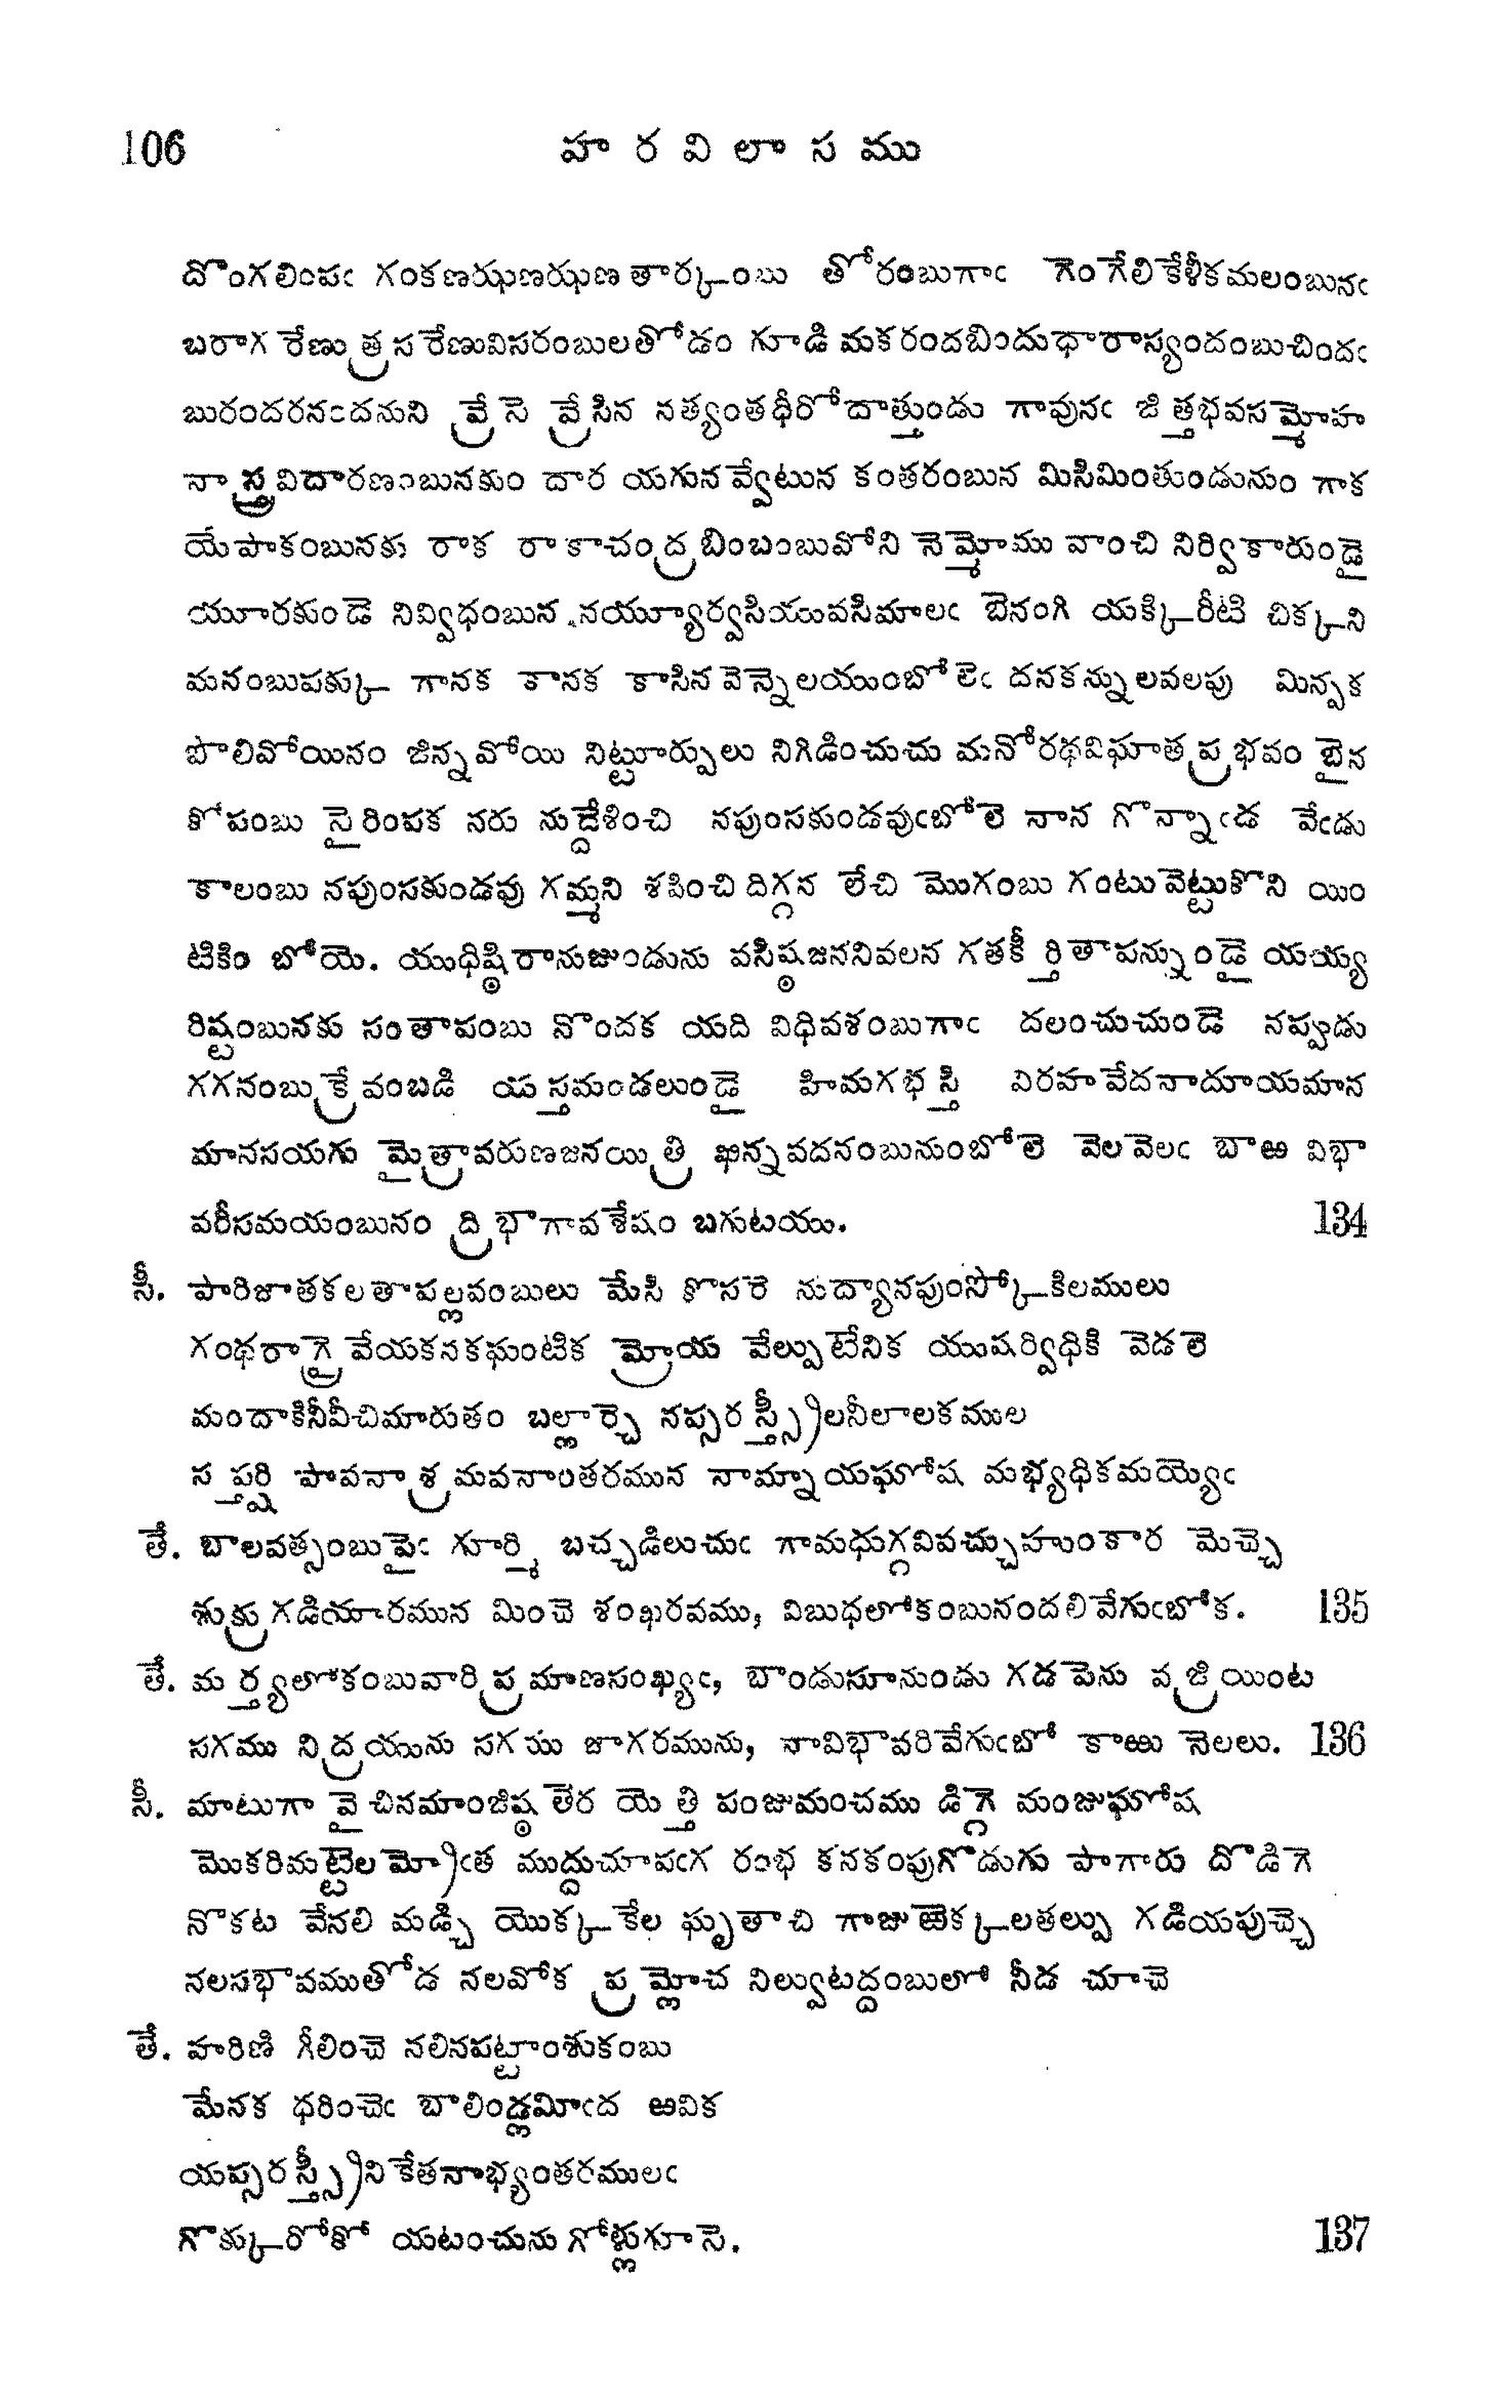దొంగలింపఁ గంకణఝణఝణత్కారంబు తోరంబుగాఁ గెంగేలికేళీకమలంబునఁ బరాగరేణుత్రసరేణునిసరంబులతోడం గూడి మకరందబిందుధారాస్యందంబు చిందఁ బురందరనందనుని వ్రేసె వ్రేసిన నత్యంతధీరోదాత్తుండు గావునఁ జిత్తభవనమోహనాస్త్రవిదారణంబునకుం దార యగునవ్వేటున కంతరంబున మిసిమింతుండునుం గాక యేపాకంబునకు రాక రాకాచంద్రబింబంబువోని నెమ్మోము వాంచి నిర్వికారుండై యూరకుండె నివ్విధంబున నయ్యూర్వసియు వసిమాలఁ బెనంగి యక్కిరీటి చిక్కని మనంబుపక్కు గానక కానక కాసినవెన్నెలయుంబోలెఁ దనకన్నులవలపు మిన్నక పొలివోయినం జిన్నవోయి నిట్టూర్పులు నిగిడించుచు మనోరథవిఘాతప్రభవం బైనకోపంబు సైరింపక నరు నుద్దేశించి నపుంసకుండవుఁబోలె నాన గొన్నాఁడ వేఁడుకాలంబు నపుంసకుండవు గమ్మని శపించి దిగ్గన లేచి మొగంబు గంటువెట్టుకొని యింటికిం బోయె. యుధిష్ఠిరానుజుండును వసిష్ఠజననివలన గతకీర్తితాపన్నుండై యయ్యరిష్టంబునకు సంతాపంబు నొందక యది విధివశంబుగాఁ దలంచుచుండె నప్పుడు గగనంబుక్రేవంబడి యస్తమండలుండై హిమగభస్తి విరహవేదనాదూయమానమానసయగు మైత్రావరుణజనయిత్రి ఖిన్నవదనంబునుంబోలె వెలవెలఁ బాఱ విభావరీసమయంబునం ద్రిభాగావశేషం బగుటయు.
134

సీ. పారిజాతకలతాపల్లవంబులు మేసి కొనరె నుద్యానపుంస్కోకిలములు
గంథరాగ్రైవేయకనకఘంటిక మ్రోయ వేల్పుటేనిక యుషర్విధికి వెడలె
మందాకినీవీచిమారుతం బల్లార్చె నప్పరస్త్రీలనీలాలకముల
సప్తర్షి పావనాశ్రమవనాంతరమున నామ్నాయఘోష మభ్యధికమయ్యెఁ
తే. బాలవత్సంబుపైఁ గూర్మి బచ్చడిలుచుఁ గామధుగ్గవివచ్చుహుంకార మెచ్చె
శుక్రుగడియారమున మించె శంఖరవము, విబుధలోకంబునందలి వేగుఁబోక. 135

తే. మర్త్యలోకంబువారి ప్రమాణసంఖ్యఁ, బాండుసూనుండు గడపెను వజ్రయింట
సగము నిద్రయును సగము జాగరమును, నావిభావరి వేగుఁబో కాఱునెలలు. 136

సీ. మాటుగా వైచినమాంజిష్ఠతెర యెత్తి పంజుమంచము డిగ్గె మంజుఘోష
మొకరిమట్టెలమ్రోత ముద్దుచూపఁగ రంభ కనకంపుగొడుగు పాగారు దొడిగె
నొకట వేనలి మడ్చి యొక్కకేల ఘృతాచి గాజుఱెక్కలతల్పు గడియపుచ్చె
నలసభావముతోడ నలవోక ప్రమ్లోచ నిల్వుటద్దంబులో నీడ చూచె
తే. హరిణి గీలించె నలినపట్టాంశుకంబు
మేనక ధరించెఁ బాలిండ్లమీఁద ఱవిక
యప్సరస్త్రీనికేతనాభ్యంతరములఁ
గొక్కురోకో యటంచును గోళ్లు గూసె. 137